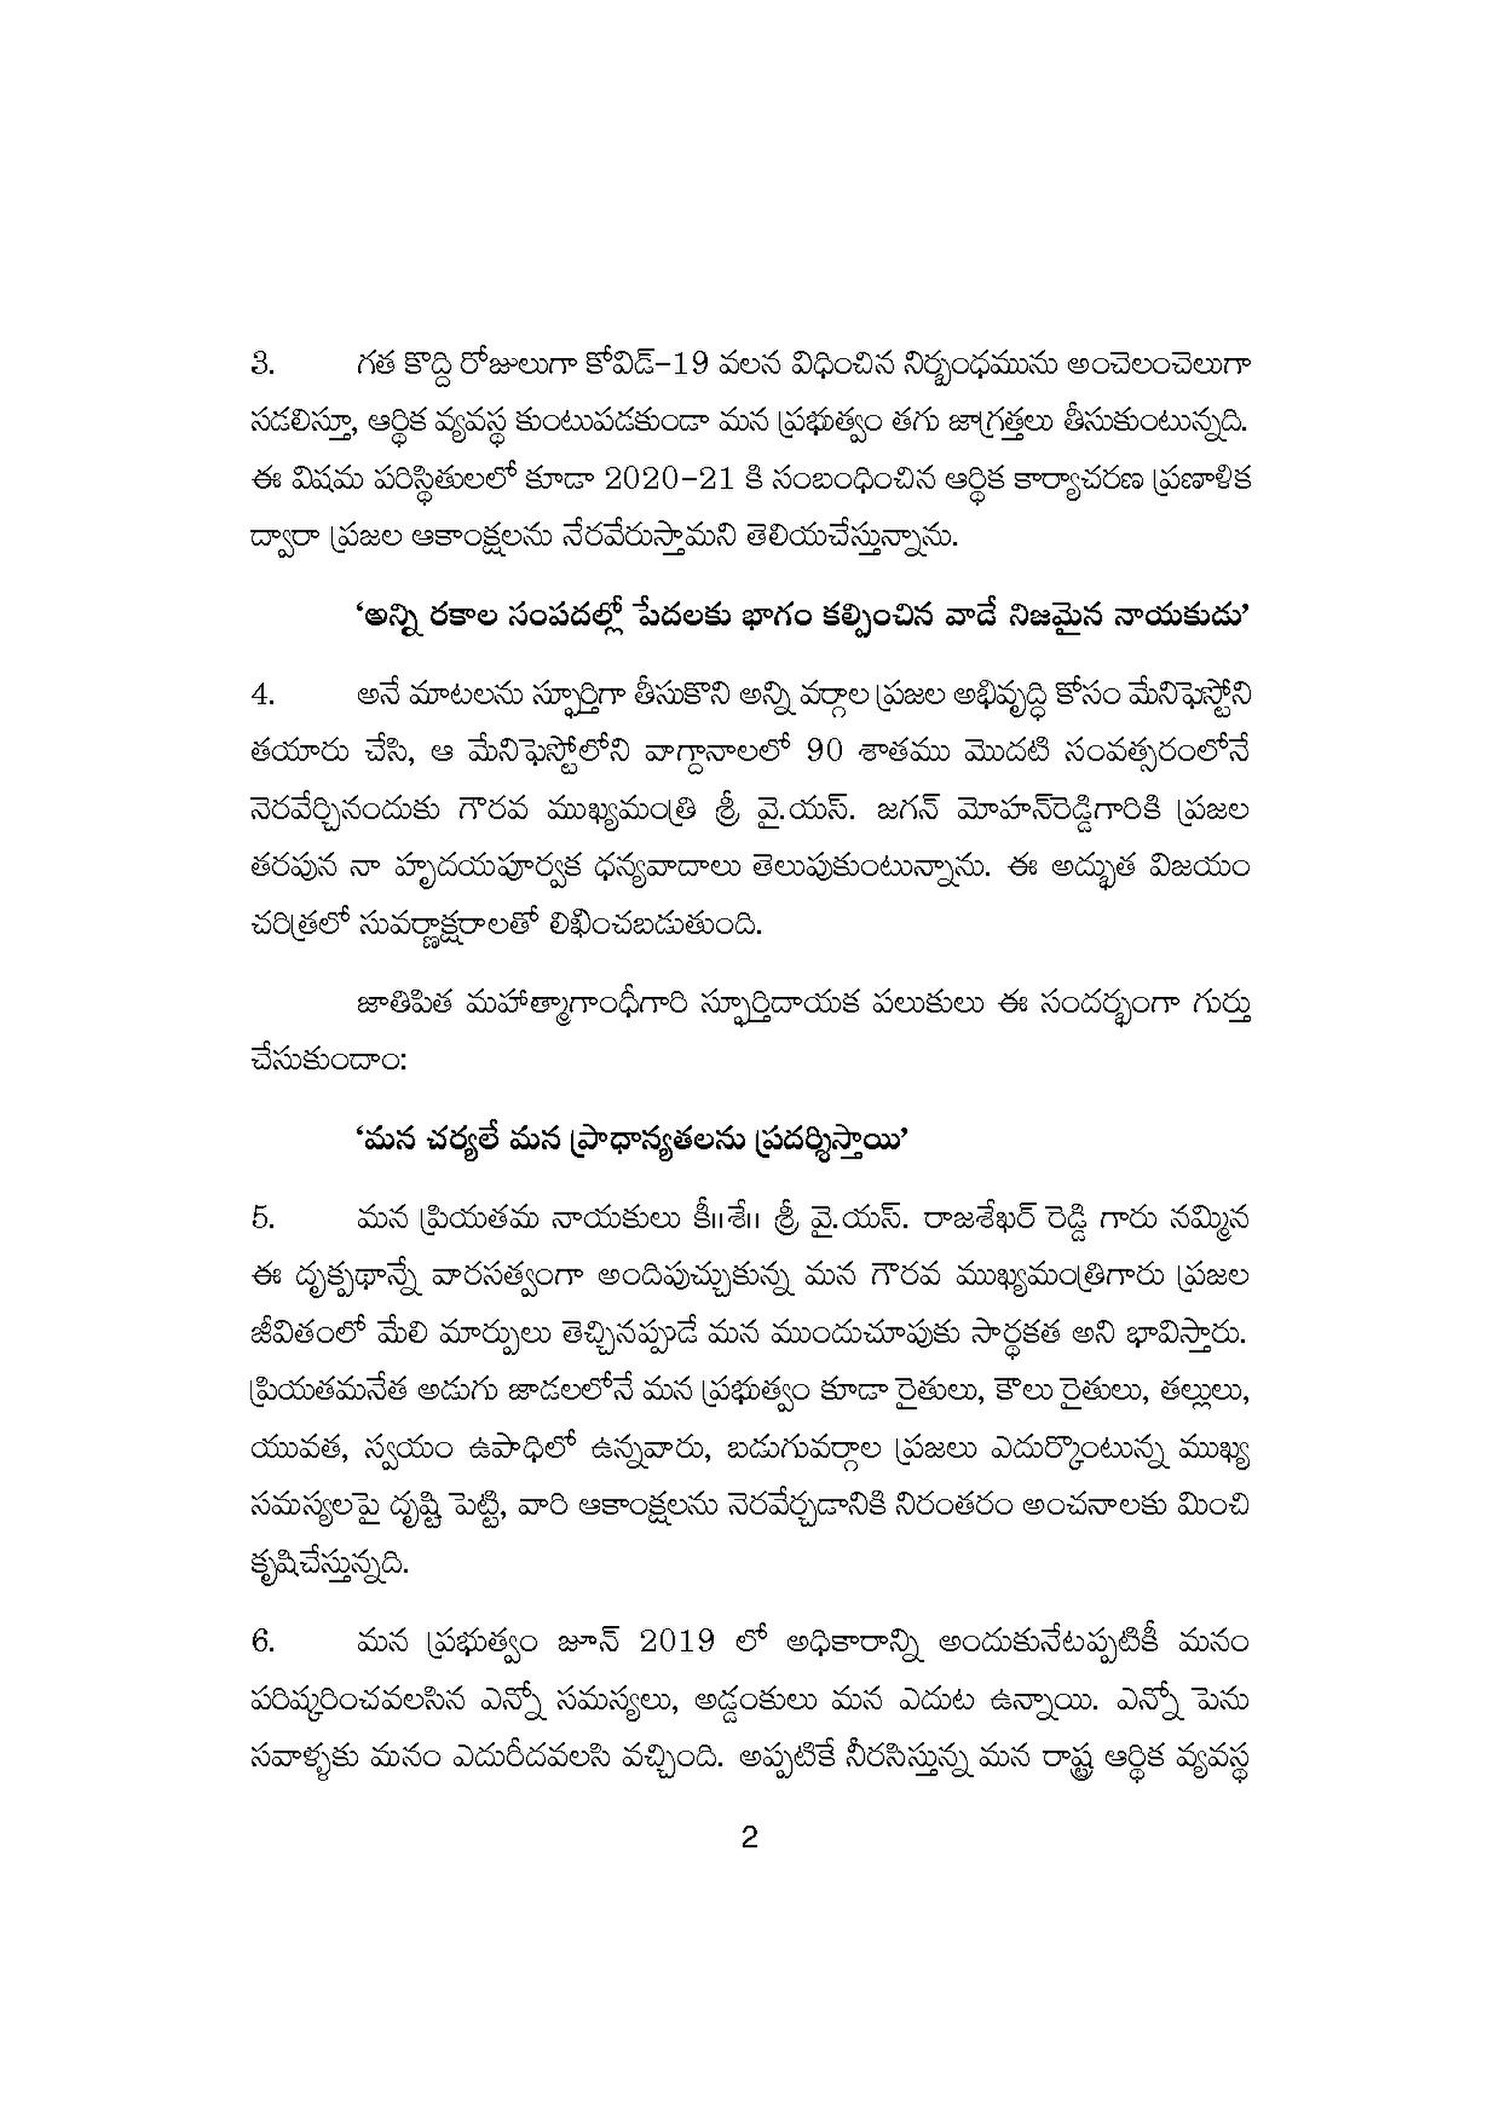3. గత కొద్ది రోజులుగా కోవిడ్-19 వలన విధించిన నిర్బంధమును అంచెలంచెలుగా సడలిస్తూ, ఆర్థిక వ్యవస్థ కుంటుపడకుండా మన ప్రభుత్వం తగు జాగ్రత్తలు తీసుకుంటున్నది. ఈ విషమ పరిస్థితులలో కూడా 2020-21 కి సంబంధించిన ఆర్థిక కార్యాచరణ ప్రణాళిక ద్వారా ప్రజల ఆకాంక్షలను నేరవేరుస్తామని తెలియచేస్తున్నాను.

'అన్ని రకాల సంపదల్లో పేదలకు భాగం కల్పించిన వాడే నిజమైన నాయకుడు' 

4. అనే మాటలను స్ఫూర్తిగా తీసుకొని అన్ని వర్గాల ప్రజల అభివృద్ధి కోసం మేనిఫెస్టోని తయారు చేసి, ఆ మేనిఫెస్టోలోని వాగ్దానాలలో 90 శాతము మొదటి సంవత్సరంలోనే
నెరవేర్చినందుకు గౌరవ ముఖ్యమంత్రి శ్రీ వై.యస్. జగన్ మోహన్ రెడ్డిగారికి ప్రజల తరపున నా హృదయపూర్వక ధన్యవాదాలు తెలుపుకుంటున్నాను. ఈ అద్భుత విజయం చరిత్రలో సువర్ణాక్షరాలతో లిఖించబడుతుంది.
జాతిపిత మహాత్మాగాంధీగారి స్ఫూర్తిదాయక పలుకులు ఈ సందర్భంగా గుర్తు చేసుకుందాం:

'మన చర్యలే మన ప్రాధాన్యతలను ప్రదర్శిస్తాయి' 

5. మన ప్రియతమ నాయకులు కీ॥ శే॥ శ్రీ వై.యస్. రాజశేఖర్ రెడ్డి గారు నమ్మిన ఈ దృక్పథాన్నే వారసత్వంగా అందిపుచ్చుకున్న మన గౌరవ ముఖ్యమంత్రిగారు ప్రజల జీవితంలో మేలి మార్పులు తెచ్చినప్పుడే మన ముందుచూపుకు సార్థకత అని భావిస్తారు. ప్రియతమనేత అడుగు జాడలలోనే మన ప్రభుత్వం కూడా రైతులు, కౌలు రైతులు, తల్లులు, యువత, స్వయం ఉపాధిలో ఉన్నవారు, బడుగువర్గాల ప్రజలు ఎదుర్కొంటున్న ముఖ్య సమస్యలపై దృష్టి పెట్టి, వారి ఆకాంక్షలను నెరవేర్చడానికి నిరంతరం అంచనాలకు మించి కృషిచేస్తున్నది. 

6. మన ప్రభుత్వం జూన్ 2019 లో అధికారాన్ని అందుకునేటప్పటికీ మనం పరిష్కరించవలసిన ఎన్నో సమస్యలు, అడ్డంకులు మన ఎదుట ఉన్నాయి. ఎన్నో పెను సవాళ్ళకు మనం ఎదురీదవలసి వచ్చింది. అప్పటికే నీరసిస్తున్న మన రాష్ట్ర ఆర్థిక వ్యవస్థ